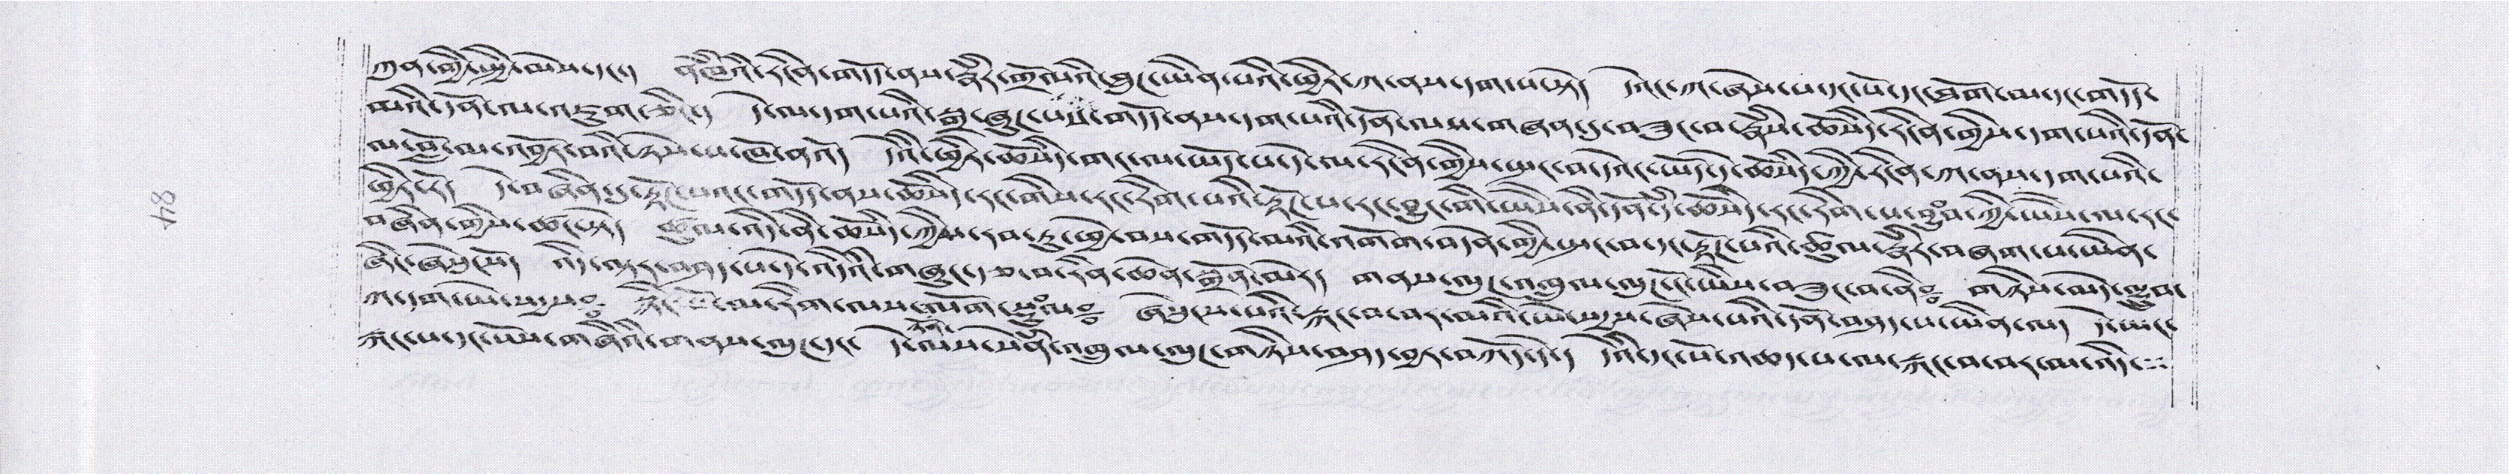ཀུན་གྱི་སྤྱི་མེས་དང་། ནམ་མཁའི་རང་བཞིན་གདོད་ནས་རྣམ་པར་གྲོལ་བའི་ཐུགས་ཡིན་པའི་ཕྱིར་ཀ་ནས་དག་པ་སྟེ། དེའང་ཀ་ཞེས་པ་དང་པོ་དང་ཐོག་མ་དང་གདོད་
མའི་དོན་ལ་འཇུག་ཅིང་། དེ་ལ་དག་པའི་སྒྲ་ཞུགས་པས་གདོད་ནས་དག་པའི་དོན་ལས་གཞན་དུ་བཟུང་བ་རྣམས་ཆོས་ཉིད་རང་བཞིན་གྱིས་དག་པའི་དོན་
ལ་བློ་ལ་འབྱོར་བའི་ཉེས་པ་ཁོ་ནའོ། དེའི་ཕྱིར་ཆོས་ཉིད་གང་ལ་ཡོད་པ་དེ་ལ་རང་བཞིན་གྱིས་སྤང་བ་དེའང་ཡོད་དེ། ཆོས་ཉིད་ཀྱི་རང་བཞིན་ཀ་ནས་དག་པའི་
ཕྱིར་རོ། དེ་བཞིན་དུ་རྟོགས་པའང་གདོད་ནས་ཆོས་ཉིད་རང་གིས་རང་རིག་པའི་རྟོགས་པ་རང་བྱུང་གི་ཡེ་ཤེས་ནི་དོན་དམ་ཆོས་ཉིད་རང་རིག་པ་བྱང་ཆུབ་ཀྱི་ཡེ་ཤེས་ལ་རང་
བཞིན་གྱིས་ཚང་སྟེ། ཚུལ་འདི་ནི་ཆོས་ཉིད་ཀྱིས་རབ་ཏུ་ཕྱེ་བས་གདོད་མའི་འགོག་བདེན་གྱི་སྤང་བ་དང་རྟོགས་པའི་ཚུལ་རྣམ་པར་གཞག་པ་ཡིན་
ཞིང་ཞེས་གསུངས་སོ། འདི་ལྟར་བཤད་པ་དེ་འདིའི་གཞུང་རྩ་བ་རིན་ཆེན་སྒྲོན་མེར། གནས་ལུགས་འཁྲུལ་ལུགས་ངོ་ཡིས་བཟུང་བ་ནིཿ གཉིས་མེད་ལྷུན་གྲུབ་
ཀ་དག་ཡེ་སངས་རྒྱསཿ སྙིང་པོ་མ་རིག་ལས་ཉོན་ལོག་སྡུག་བསྔལཿ ཞེས་གསུངས་པའི་རྐང་པ་བར་མའི་ཡེ་སངས་རྒྱས་ཞེས་པའི་དོན་བཤད་པ་ཡིན་ལ། དེ་ཡང་
རྐང་པ་དང་པོས་གཞིའི་གནས་ལུགས་དང་། དེ་ཡིས་སེམས་ཅན་འཁྲུལ་ལུགས་གཉིས་བཤད་བྱར་བཀོད་དེ། དེའི་དང་པོ་འཆད་པ་ལ་རྐང་པ་བར་མ་འདི་